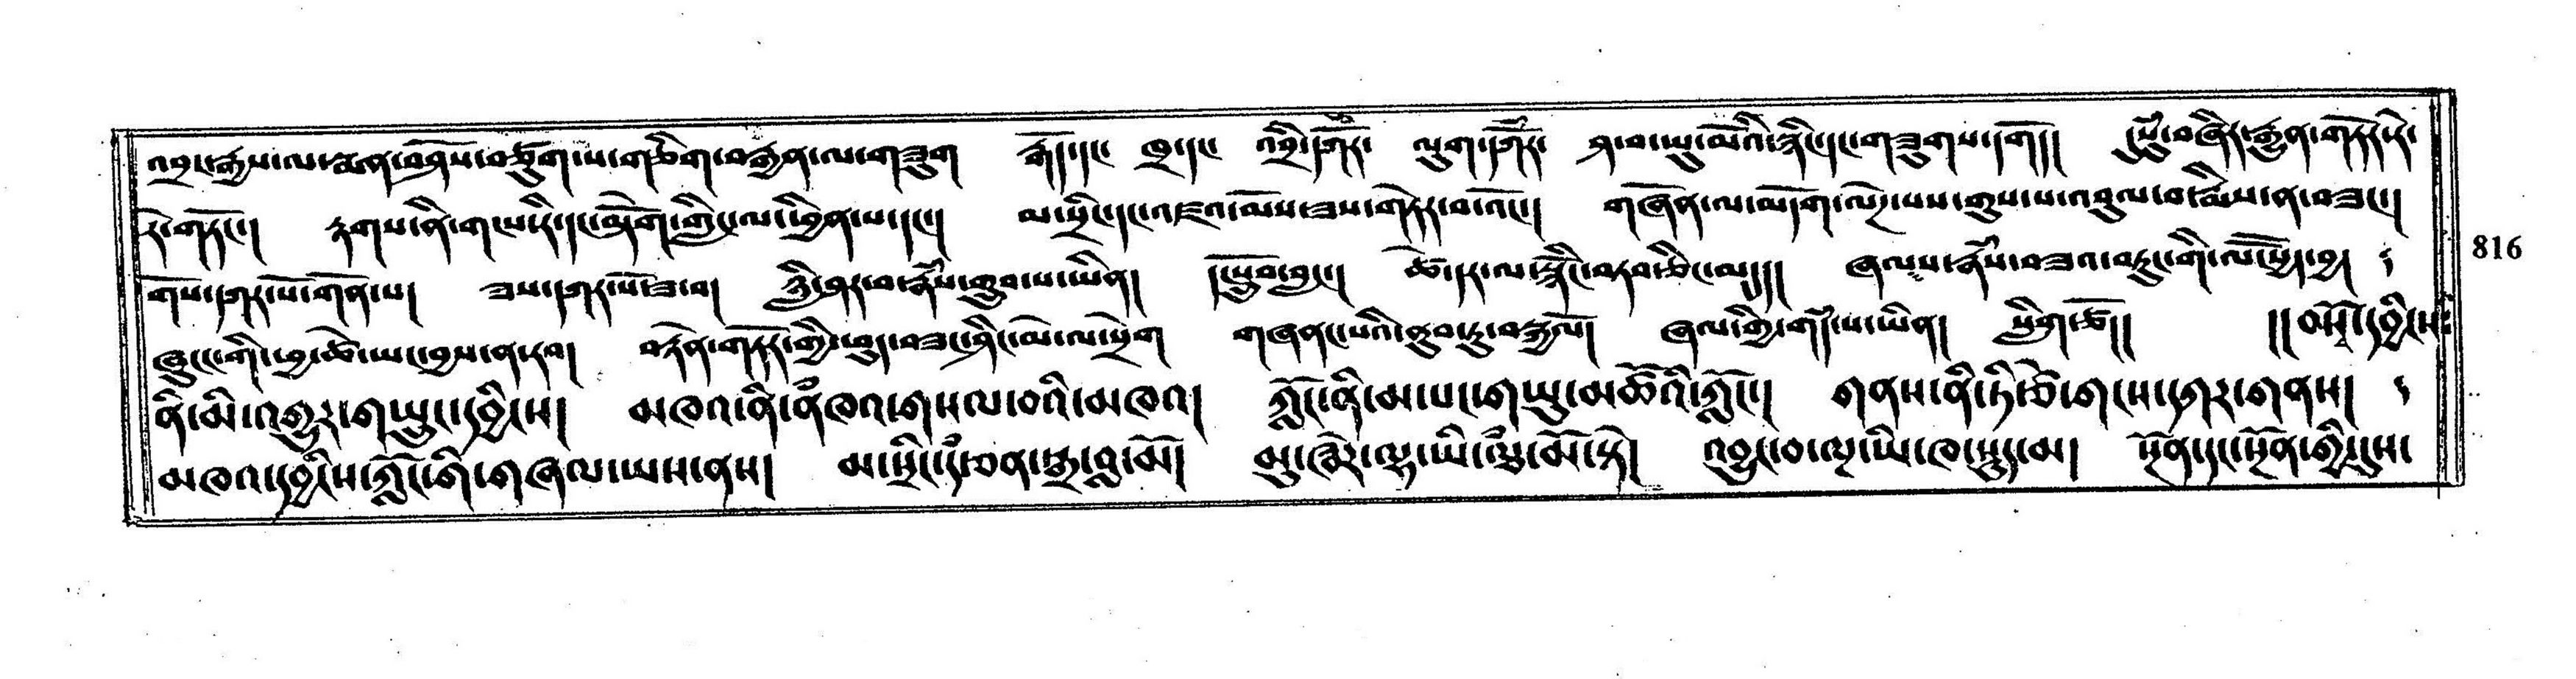འབྲང་རྒྱས་ལ་སྨན་བཤོས་བཙུག་པ་གཅིག་བརྒྱན་ལ་གཟུག རྒོད་དང་ཁྲ་དང་འབྲི་དཀར་མོ་ལུག་དཀར་མོ་ཤ་བ་ཡུ་མོའི་སྙིང་དང་གཟུགས་དགོད།། དུས་གསུམ་བཞིར་རྒྱུན་གཏོར་རེ་
རེ་གཏོང་། རྟགས་ནི་གངས་རི་དང་མེ་ཏོག་གླིང་ལ་ཕྱིན་པ་དང་། མ་སྲིང་དང་འཇའ་མོས་ཟས་གཏེར་བ་འོང་། གཞོན་ལ་མདོག་ལེགས་པས་གུས་པ་འབུལ་བ་རྨིས་ན་བཟང་། 
གོས་དཀར་པོ་གོན་པ། ཟས་དཀར་པོ་ཟ་བ། ཉི་ཟླ་ཤར་བ་རྣམས་གྲུབ་པ་ཡིན། དངོས་གྲུབ་བླང་། ཚེ་དར་ལ་སྙིང་པོ་བཏབ་ཅིང་མདུད། ཞལ་ཟས་རྣམས་བཟའ་བཏུང་གི་ལོངས་སྤྱོད་བྱ། 
ཞང་ཞུང་གི་ཕྱ་ཚེ་ཡང་བྱས་ན་རབ། བརྟེན་གཏོར་གྱི་ཕུད་བཟང་ཤིང་མེ་ལ་སྲེག གཞན་ཡང་པའི་ནུབ་ཏུ་བསྐྱལ་ལོ། ཞལ་གྱི་གདམ་པ་ཡིན། སླིག་ཙོ།། །།བསྭོ་དབྱིངས་
ནི་མི་འགྱུར་གཡུང་དྲུང་དབྱིངས། མཁའ་ནི་ནམ་མཁའ་གསལ་བའི་མཁའ། ཀློང་ནི་མ་པང་གཡུ་མཚོའི་ཀློང་། གནས་ནི་ཏི་ཙེ་གངས་དཀར་གནས། 
མཁའ་དབྱིངས་ཀློང་གི་གཞལ་ཡས་ནས། མ་སྲིང་དམ་ཅན་སྒྲ་བླ་མོ། མུ་ཝེར་ལྷ་ཡི་ལྕམ་མོ་སྟེ། འབྱུང་བ་ལྔ་ཡི་ཁ་སྡུད་མ། སྔོན་དང་སྔོན་གྱི་དུས་